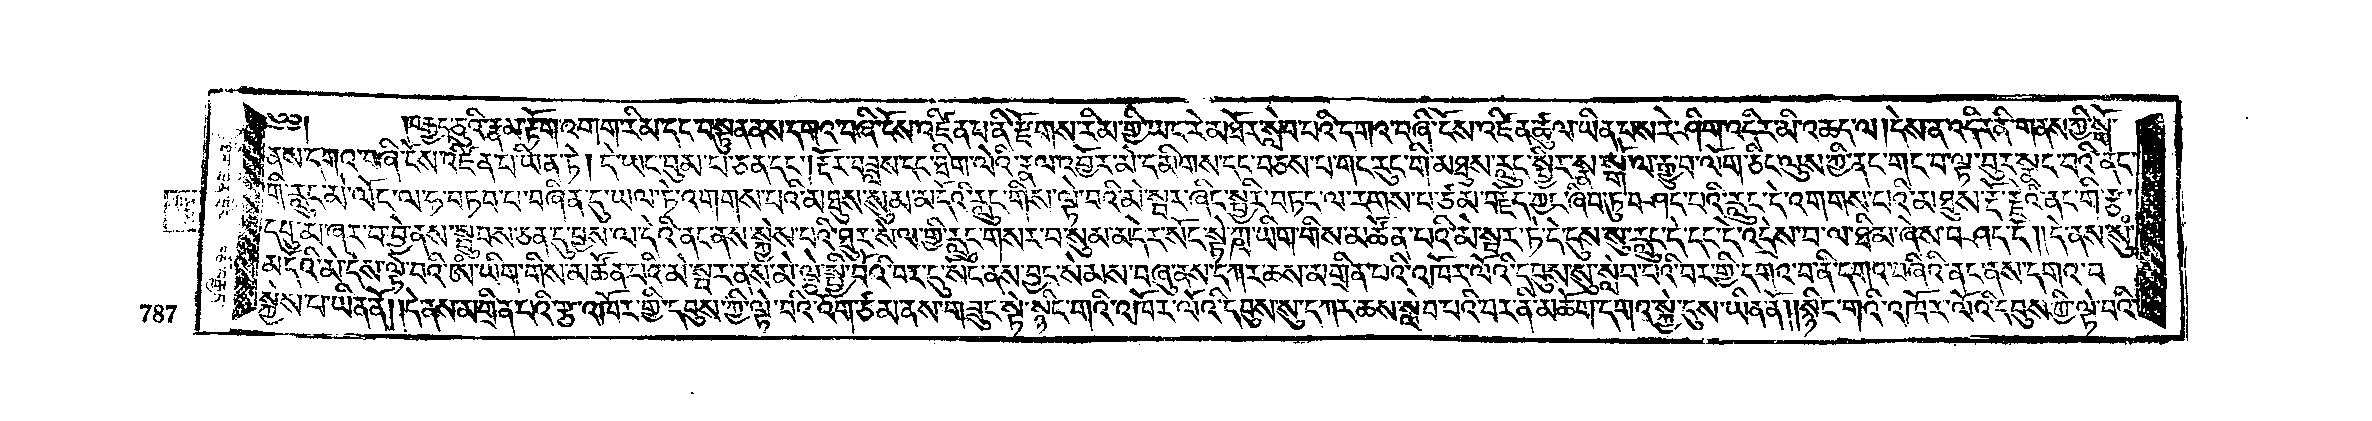༄༅། །བརྒྱད་ཅུའི་རྣམ་རྟོག་འགག་རིམ་དང་བསྟུན་ནས་དགའ་བཞི་ངོས་འཛིན་པ་ནི་རྫོགས་རིམ་གྱི་ཡང་རེ་མཐོར་སླེབ་པའི་དགའ་བཞི་ངོས་འཛིན་ཚུལ་ཡིན་པས་རེ་ཤིག་འདིར་མི་འཆད་ལ། དེས་ན་འདིར་ནི་གནས་ཀྱི་སྒོ་
ནས་དགའ་བཞི་ངོས་འཛིན་པ་ཡིན་ཏེ། དེ་ཡང་བུམ་པ་ཅན་དང་། རྡོར་བཟླས་དང་ཐིག་ལེའི་རྣལ་འབྱོར་མེ་དམིགས་དང་བཅས་པ་གང་རུང་གི་མཐུས་རླུང་སྤྱིར་སྣ་སྒོ་ལ་རྒྱུ་བ་ལོག་ཅིང་ལུས་ཀྱི་ནང་གང་བ་ལྟ་བུར་སྣང་བའི་ནང་
གི་རླུང་མེ་ལོང་ལ་ཧ་བཏབ་པ་བཞིན་དུ་ཡལ་ཏེ་འགགས་པའི་མཐུས་སུམ་མདོའི་རླུང་གིས་ལྟེ་བའི་མེ་སྦར་ཞིང་སྤྱིར་བཏང་ལ་རགས་པ་ཙམ་བརྗོད་ཀྱང་ཞིབ་ཏུ་བཤད་པའི་རླུང་དེ་འགགས་པའི་མཐུས་རྡོ་རྗེའི་ནང་གི་རྩ་
དབུ་མ་ཞར་བ་བྱེ་ནས་སྦུབས་ཅན་དུ་བྱས་ལ་དེའི་ནང་ནས་སྐྱེས་པའི་ཐུར་སེལ་གྱི་རླུང་གསར་བ་སུམ་མདེར་སོང་སྟེ་ཀཥ་ཡིག་གིས་མཚོན་པའི་མེ་སྦར་ཏེ་དེ་དུས་སུ་རླུང་དེ་དང་དེ་འདྲེས་པ་ལ་ཐིམ་ཞེས་བཤད་དོ། །དེ་ནས་སུམ་
མདོའི་མེ་དེས་ལྟེ་བའི་ཨཾ་ཡིག་གིས་མཚོན་པའི་མེ་སྦར་ནས་མེ་ལྕེ་སྤྱི་བོའི་བར་དུ་སོང་ནས་བྱང་སེམས་བཞུ་ནས་དཀར་ཆས་མགྲིན་པའི་འཁོར་ལོའི་དབུས་སུ་སླེབ་པའི་བར་གྱི་དགའ་བ་ནི་དགའ་བཞིའི་ནང་ནས་དགའ་བ་
སྐྱེས་པ་ཡིན་ནོ། །དེ་ནས་མགྲིན་པའི་རྩ་འཁོར་གྱི་དབུས་ཀྱི་ལྟེ་བའི་འོག་ཙམ་ནས་གཟུང་སྟེ་སྙིང་གའི་འཁོར་ལོའི་དབུས་སུ་དཀར་ཆས་སླེབ་པའི་བར་ནི་མཆོག་དགའ་སྐྱེ་དུས་ཡིན་ནོ། །སྙིང་གའི་འཁོར་ལོའི་དབུས་ཀྱི་ལྟེ་བའི་